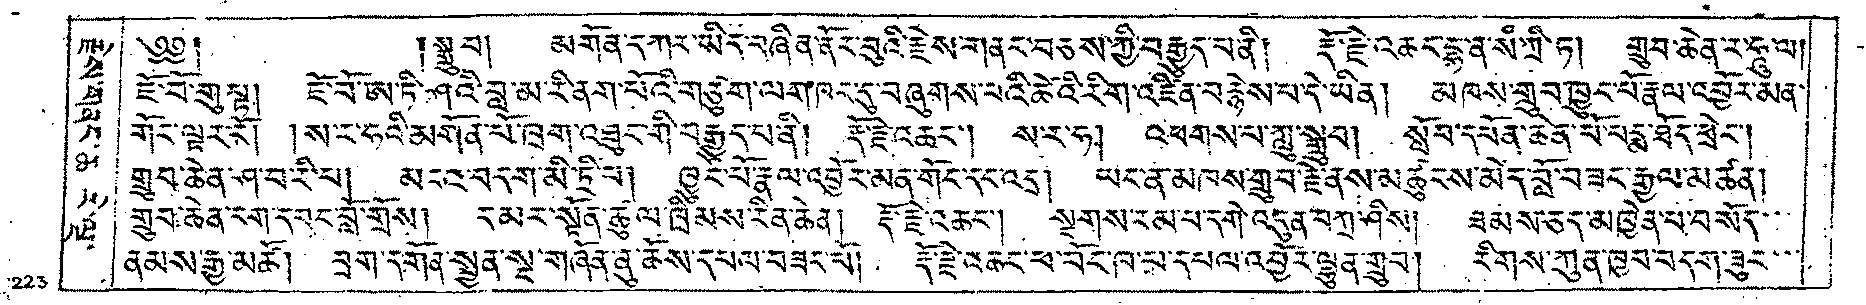༄༅། །སྒྲུབ། མགོན་དཀར་ཡིད་བཞིན་ནོར་བུའི་རྗེས་གནང་བཅས་ཀྱི་བརྒྱུད་པ་ནི། རྡོ་རྗེ་འཆང་དྷ་ན་སཾ་ཀྲི་ཏ། གྲུབ་ཆེན་ར་ཧཱུ་ལ།
ཇོ་བོ་གུཔྟ། ཇོ་བོ་ཨ་ཏི་ཤའི་བླ་མ་རི་ནག་པོའི་གཙུག་ལག་ཁང་དུ་བཞུགས་པའི་ཚེའི་རིག་འཛིན་བརྙེས་པ་དེ་ཡིན། མཁས་གྲུབ་ཁྱུང་པོ་རྣལ་འབྱོར་མན་
གོང་ལྟར་རོ། །ས་ར་ཧའི་མགོན་པོ་ཁྲག་འཐུང་གི་བརྒྱུད་པ་ནི། རྡོ་རྗེ་འཆང་། ས་ར་ཧ། འཕགས་པ་ཀླུ་སྒྲུབ། སློབ་དཔོན་ཆེན་པོ་པདམ་ཐོད་ཕྲེང་།
གྲུབ་ཆེན་ཤ་བ་རི་པ། མངའ་བདག་མི་ཏྲི་པ། ཁྱུང་པོ་རྣལ་འབྱོར་མན་གོང་དང་འདྲ། ཡང་ན་མཁས་གྲུབ་རྗེ་ནས་མཚུངས་མེད་བློ་བཟང་རྒྱལ་མཚན།
གྲུབ་ཆེན་ངག་དབང་བློ་གྲོས། དམར་སྟོན་ཚུལ་ཁྲིམས་རིན་ཆེན། རྡོ་རྗེ་འཆང་། སྔགས་རམ་པ་དགེ་འདུན་བཀྲ་ཤིས། ཐམས་ཅད་མཁྱེན་པ་བསོད་
ནམས་རྒྱ་མཚོ། བྲག་དགོན་སྤྱན་སྔ་གཞོན་ནུ་ཆོས་དཔལ་བཟང་པོ། རྡོ་རྗེ་འཆང་ཕ་བོང་ཁ་པ་དཔལ་འབྱོར་ལྷུན་གྲུབ། རིགས་ཀུན་ཁྱབ་བདག་ཟུང་